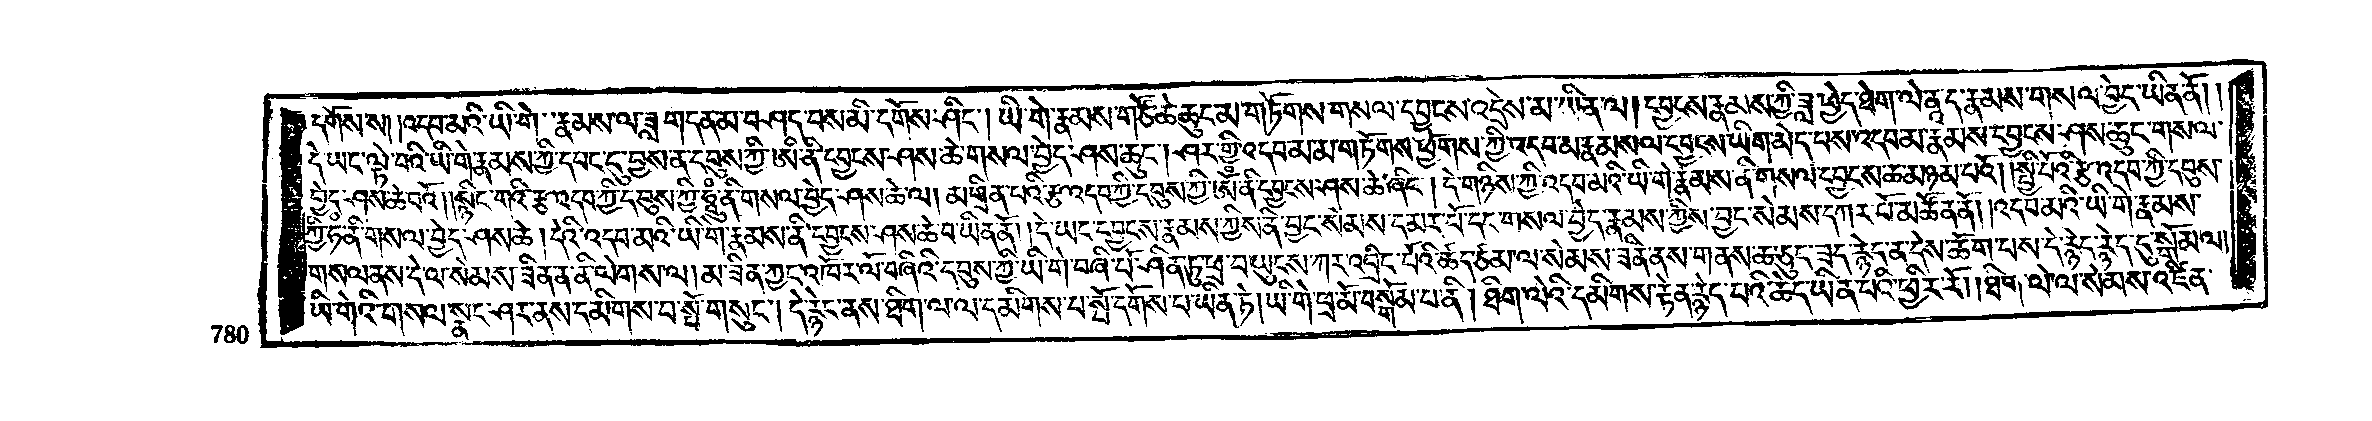དགོས་ས། །འདབ་མའི་ཡི་གེ་རྣམས་ལ་ཟླ་གདན་མ་བཤད་པས་མི་དགོས་ཤིང་། ཡི་གེ་རྣམས་གཙོ་ཆེ་ཆུང་མ་གཏོགས་གསལ་དབྱངས་འདྲེས་མ་ཡིན་ལ། དབྱངས་རྣམས་ཀྱི་ཟླ་ཕྱེད་ཐེག་ལེ་ནཱ་ད་རྣམས་གསལ་བྱེད་ཡིན་ནོ། །
དེ་ཡང་ལྟེ་བའི་ཡི་གེ་རྣམས་ཀྱི་དབང་དུ་བྱས་ན་དབུས་ཀྱི་ཨཾ་ནི་དབྱངས་ཤེས་ཆེ་གསལ་བྱེད་ཤས་ཆུང་། ཤར་གྱི་འདབ་མ་གཏོགས་ཕྱོགས་ཀྱི་འདབ་མ་རྣམས་ལ་དབྱངས་ཡིག་མེད་པས་འདབ་མ་རྣམས་དབྱངས་ཤས་ཆུང་གསལ་
བྱེད་ཤས་ཆེ་བའོ། །སྙིང་གའི་རྩ་འདབ་ཀྱི་དབུས་ཀྱི་ཧཱུཾ་ནི་གསལ་བྱེད་ཤས་ཆེ་ལ། མགྲིན་པའི་རྩ་འདབ་ཀྱི་དབུས་ཀྱི་ཨོཾ་ནི་དབྱངས་ཤས་ཆེ་ཞིང་། དེ་གཉིས་ཀྱི་འདབ་མའི་ཡི་གེ་རྣམས་ནི་གསལ་དབྱངས་ཆ་མཉམ་པའོ། །སྤྱི་བོའི་རྩ་འདབ་ཀྱི་དབུས་
ཀྱི་ཧཾ་ནི་གསལ་བྱེད་ཤས་ཆེ། དེའི་འདབ་མའི་ཡི་གེ་རྣམས་ནི་དབྱངས་ཤས་ཆེ་བ་ཡིན་ནོ། །དེ་ཡང་དབྱངས་རྣམས་ཀྱིས་ནི་བྱང་སེམས་དམར་པོ་དང་གསལ་བྱེད་རྣམས་ཀྱིས་བྱང་སེམས་དཀར་པོ་མཚོན་ནོ། །འདབ་མའི་ཡི་གེ་རྣམས་
གསལ་ནས་དེ་ལ་སེམས་ཟིན་ན་ནི་ལེགས་ལ། མ་ཟིན་ཀྱང་འཁོར་ལོ་བཞིའི་དབུས་ཀྱི་ཡི་གེ་བཞི་པོ་ཤིན་ཏུ་ཕྲ་བ་ཡུངས་ཀར་འབྲིང་པོའི་ཚད་ཙམ་ལ་སེམས་ཟིན་ནས་གནས་ཆ་ཅུང་ཟད་རྙེད་ན་དེས་ཆོག་པས་དེ་རྙེད་རྙེད་དུ་སྒོམ་ལ། །
ཡི་གེའི་གསལ་སྣང་ཤར་ནས་དམིགས་པ་སྤོ་གསུང་། དེ་རྙེད་ནས་ཐིག་ལ་ལ་དམིགས་པ་སྤོ་དགོས་པ་ཡིན་ཏེ། ཡི་གེ་ཕྲ་མོ་བསྒོམ་པ་ནི། ཐིག་ལེའི་དམིགས་རྟེན་རྙེད་པའི་ཆེད་ཡིན་པའི་ཕྱིར་རོ། །ཐིག་ལེ་ལ་སེམས་འཛིན་